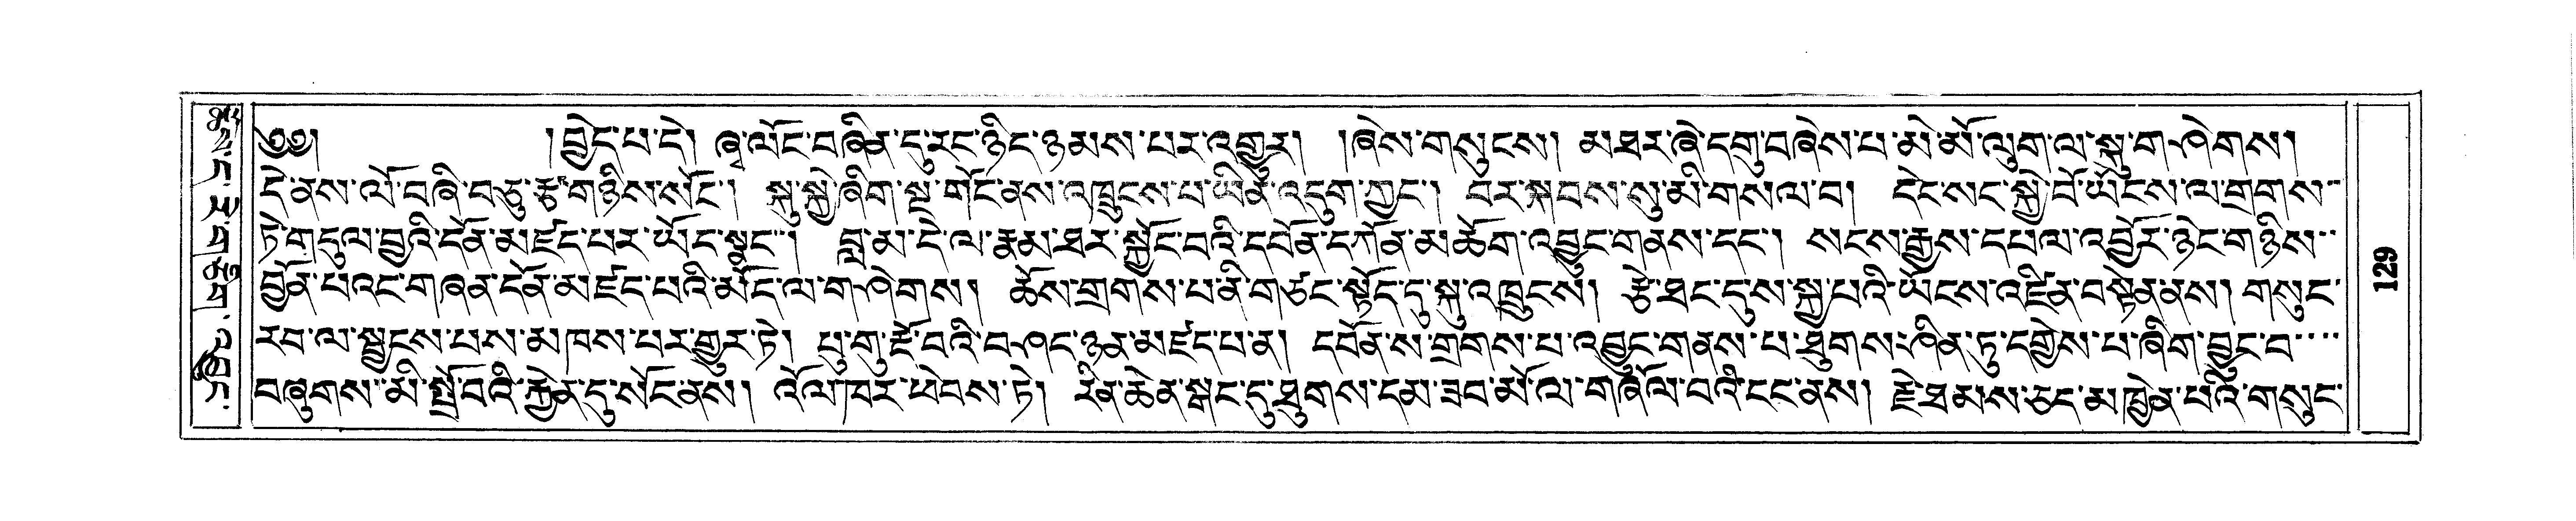༄༅། །བྱེད་པ་དེ། ཞྭ་ལོང་བཞིན་དུ་རང་ཉིད་ཉམས་པར་འགྱུར། །ཞེས་གསུངས། མཐར་ཞེ་དགུ་བཞེས་པ་མེ་མོ་ལུག་ལ་སྐུ་གཤེགས།
དེ་ནས་ལོ་བཞི་བཅུ་རྩ་གཉིས་སོང་། སྐུ་སྐྱེ་ཞིག་སྔ་གོང་ནས་འཁྲུངས་པ་ཡིན་འདུག་ཀྱང་། བར་སྐབས་སུ་མི་གསལ་བ། དེང་སང་སྐྱེ་བོ་ཡོངས་ལ་གྲགས་
ཏེ་གདུལ་བྱའི་དོན་མཛད་པར་ཡོང་སྣང་། བླ་མ་དེ་ལ་རྣམ་ཐར་སྐྱོང་བའི་དབོན་དཀོན་མཆོག་འབྱུང་གནས་དང་། སངས་རྒྱས་དཔལ་འབྱོར་ཉེང་གཉིས་
བྱོན་པའང་གཞན་དོན་མཛད་པའི་མོད་ལ་གཤེགས། ཆོས་གྲགས་པ་ནི་གཙང་སྟོད་དུ་སྐུ་འཁྲུངས། རྩེ་ཐང་དུ་ས་སྐྱ་པའི་ཡོངས་འཛིན་བསྟེན་ནས། གསུང་
རབ་ལ་སྦྱངས་པས་མཁས་པར་གྱུར་ཏེ། པུ་གུ་རྡོ་བའི་བཤད་ཉན་མཛད་པ་ན། དབོན་ས་གྲགས་པ་འབྱུང་གནས་པ་ཐུགས་ཤིན་ཏུ་དགྱེས་པ་ཞིག་བྱུང་བ་
བཞུགས་མི་སྤྲོ་བའི་རྐྱེན་དུ་སོང་ནས། འོལ་ཁར་ཕེབས་ཏེ། རིན་ཆེན་སྒང་དུ་ཐུགས་དམ་ཟབ་མོ་ལ་གཞོལ་བའི་ངང་ནས། རྗེ་ཐམས་ཅད་མཁྱེན་པའི་གསུང་